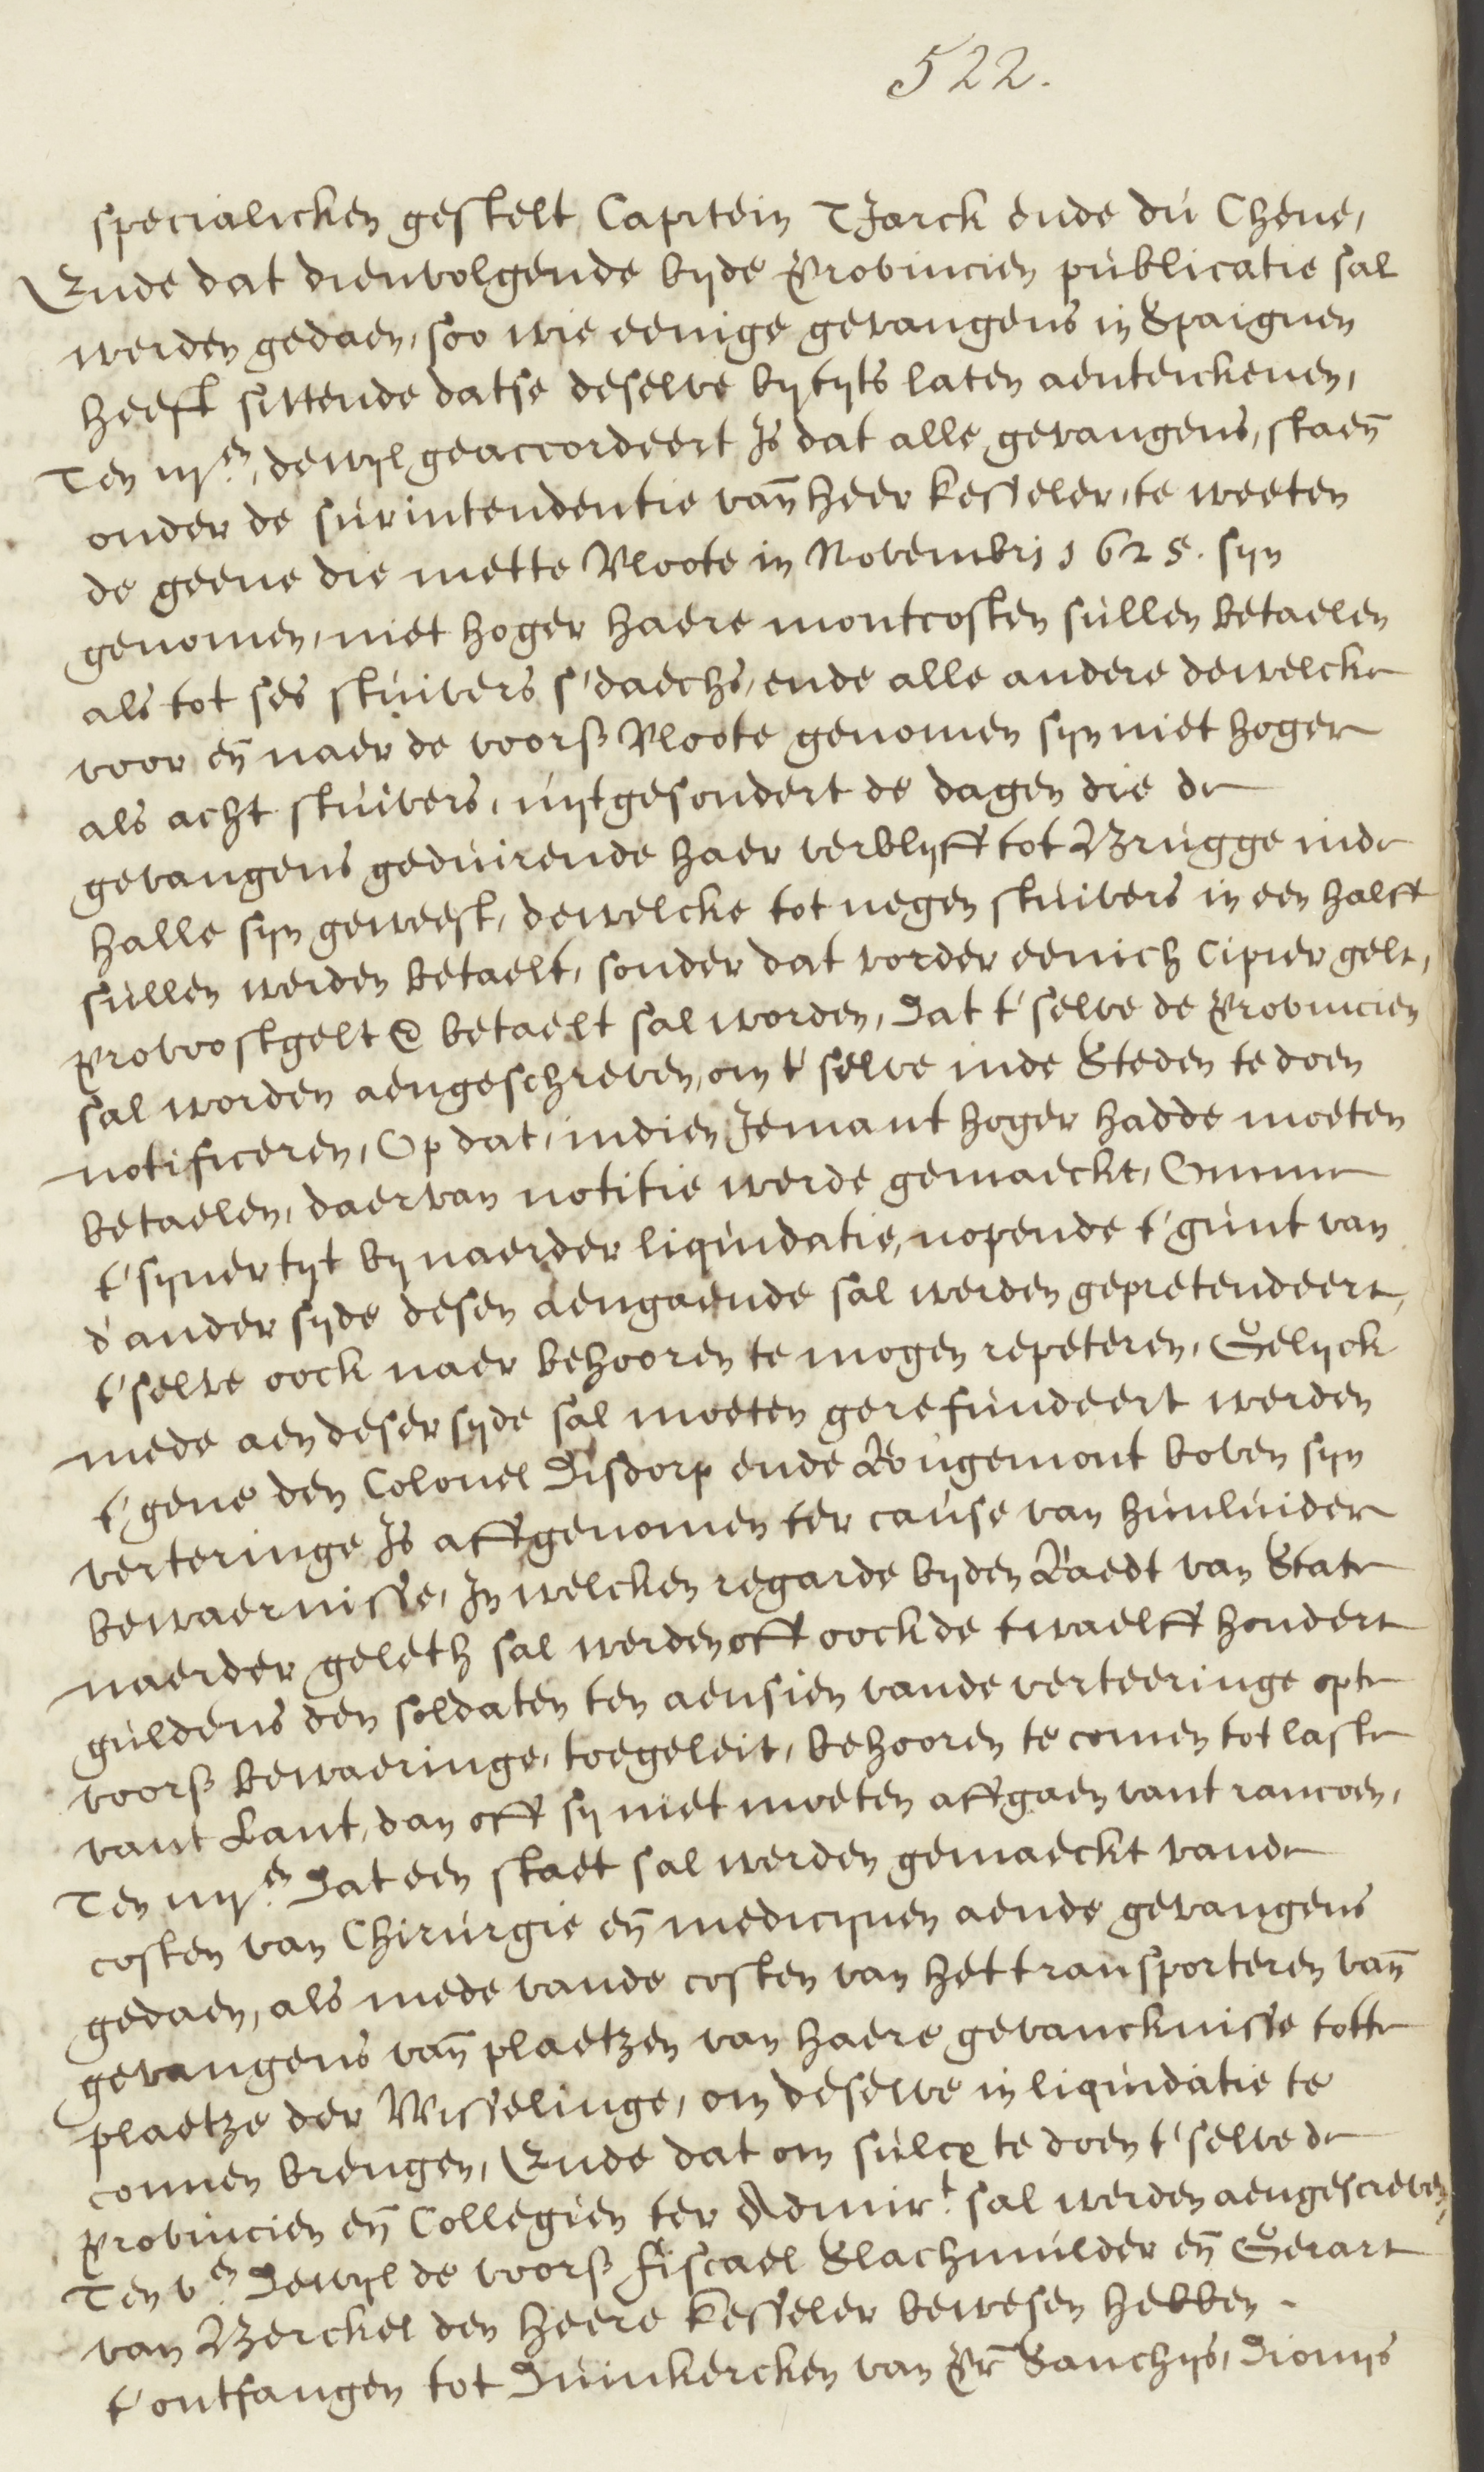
522.
specialicken gestelt capitein Tjarck ende Du Chene.
Ende dat dienvolgende bij de provincien publicatie sal
werden gedaen, soo wie eenige gevangens in Spaignen
heeft sittende datse deselve bytyts laten aenteickenen.
Ten iijen dewyl geaccordeert is dat alle gevangens, staen
onder de surintendentie van heer Kesseler, te weeten
de geene die mette Vloote in Novembris 1625 syn
genomen, niet hoger haere montcosten sullen betaelen
als tot ses stuivers s'daechs, ende alle andere dewelcke
voor en naer de voors Vloote genomen syn niet hoger
als acht stuivers, uytgesondert de dagen die de
gevangens geduirende haer verblyff tot Brugge inde
halle syn geweest, dewelcke tot negen stuivers in een halft
sullen werden betaelt, sonder dat vorder eenich cipier gelt,
provoostgelt @ betaelt sal worden, dat 't selve de provincien
sal worden aengeschreven om 't selve inde Steden te doen
notificeren, Op dat, indien Iemant hoger hadde moeten
betaelen, daervan notitie werde gemaeckt, Omme
t'syner tyt by naerder liquidatie nopende 't gunt van
d'ander syde desen aengaende sal worden gepretendeert
't selve oock naer behooren te mogen repeteren, Gelijck
mede aen deser syde sal moeten gerefundeert worden
t'gene den colonel Disdorp ende Rugemont boven syn
verteringe Is affgenomen ter cause van hunluiden
bewaernisse. In welcken regarde byden Raedt van State
naerder geleth sal werden off oock de twaelff hondert
guldens den soldaten ten aensien vande verteeringe opte
voors bewaeringe toegeleit, behooren te comen tot laste
vant Lant dan off sy niet moeten affgaen vant rancoen.
Ten iiije dat een staet sal werden gemaeckt vande
costen van chirurgie en medicynen aende gevangens
gedaen, als mede vande costen van het transporteren van
gevangens van plaetzen van haere gevancknisse totte
plaetze der Wisselinge om deselve in liquidatie te
connen brengen. Ende dat om sulcx te doen 't selve de
provincien en Collegien ter Admirt sal werden aengescreven.
Ten ve dewyl de voors fiscael Slachmulder en Gerart
van Berckel den heere Kesseler bewesen hebben
t'ontfangen tot Duinkercken van Pr Sanchys Dionys
